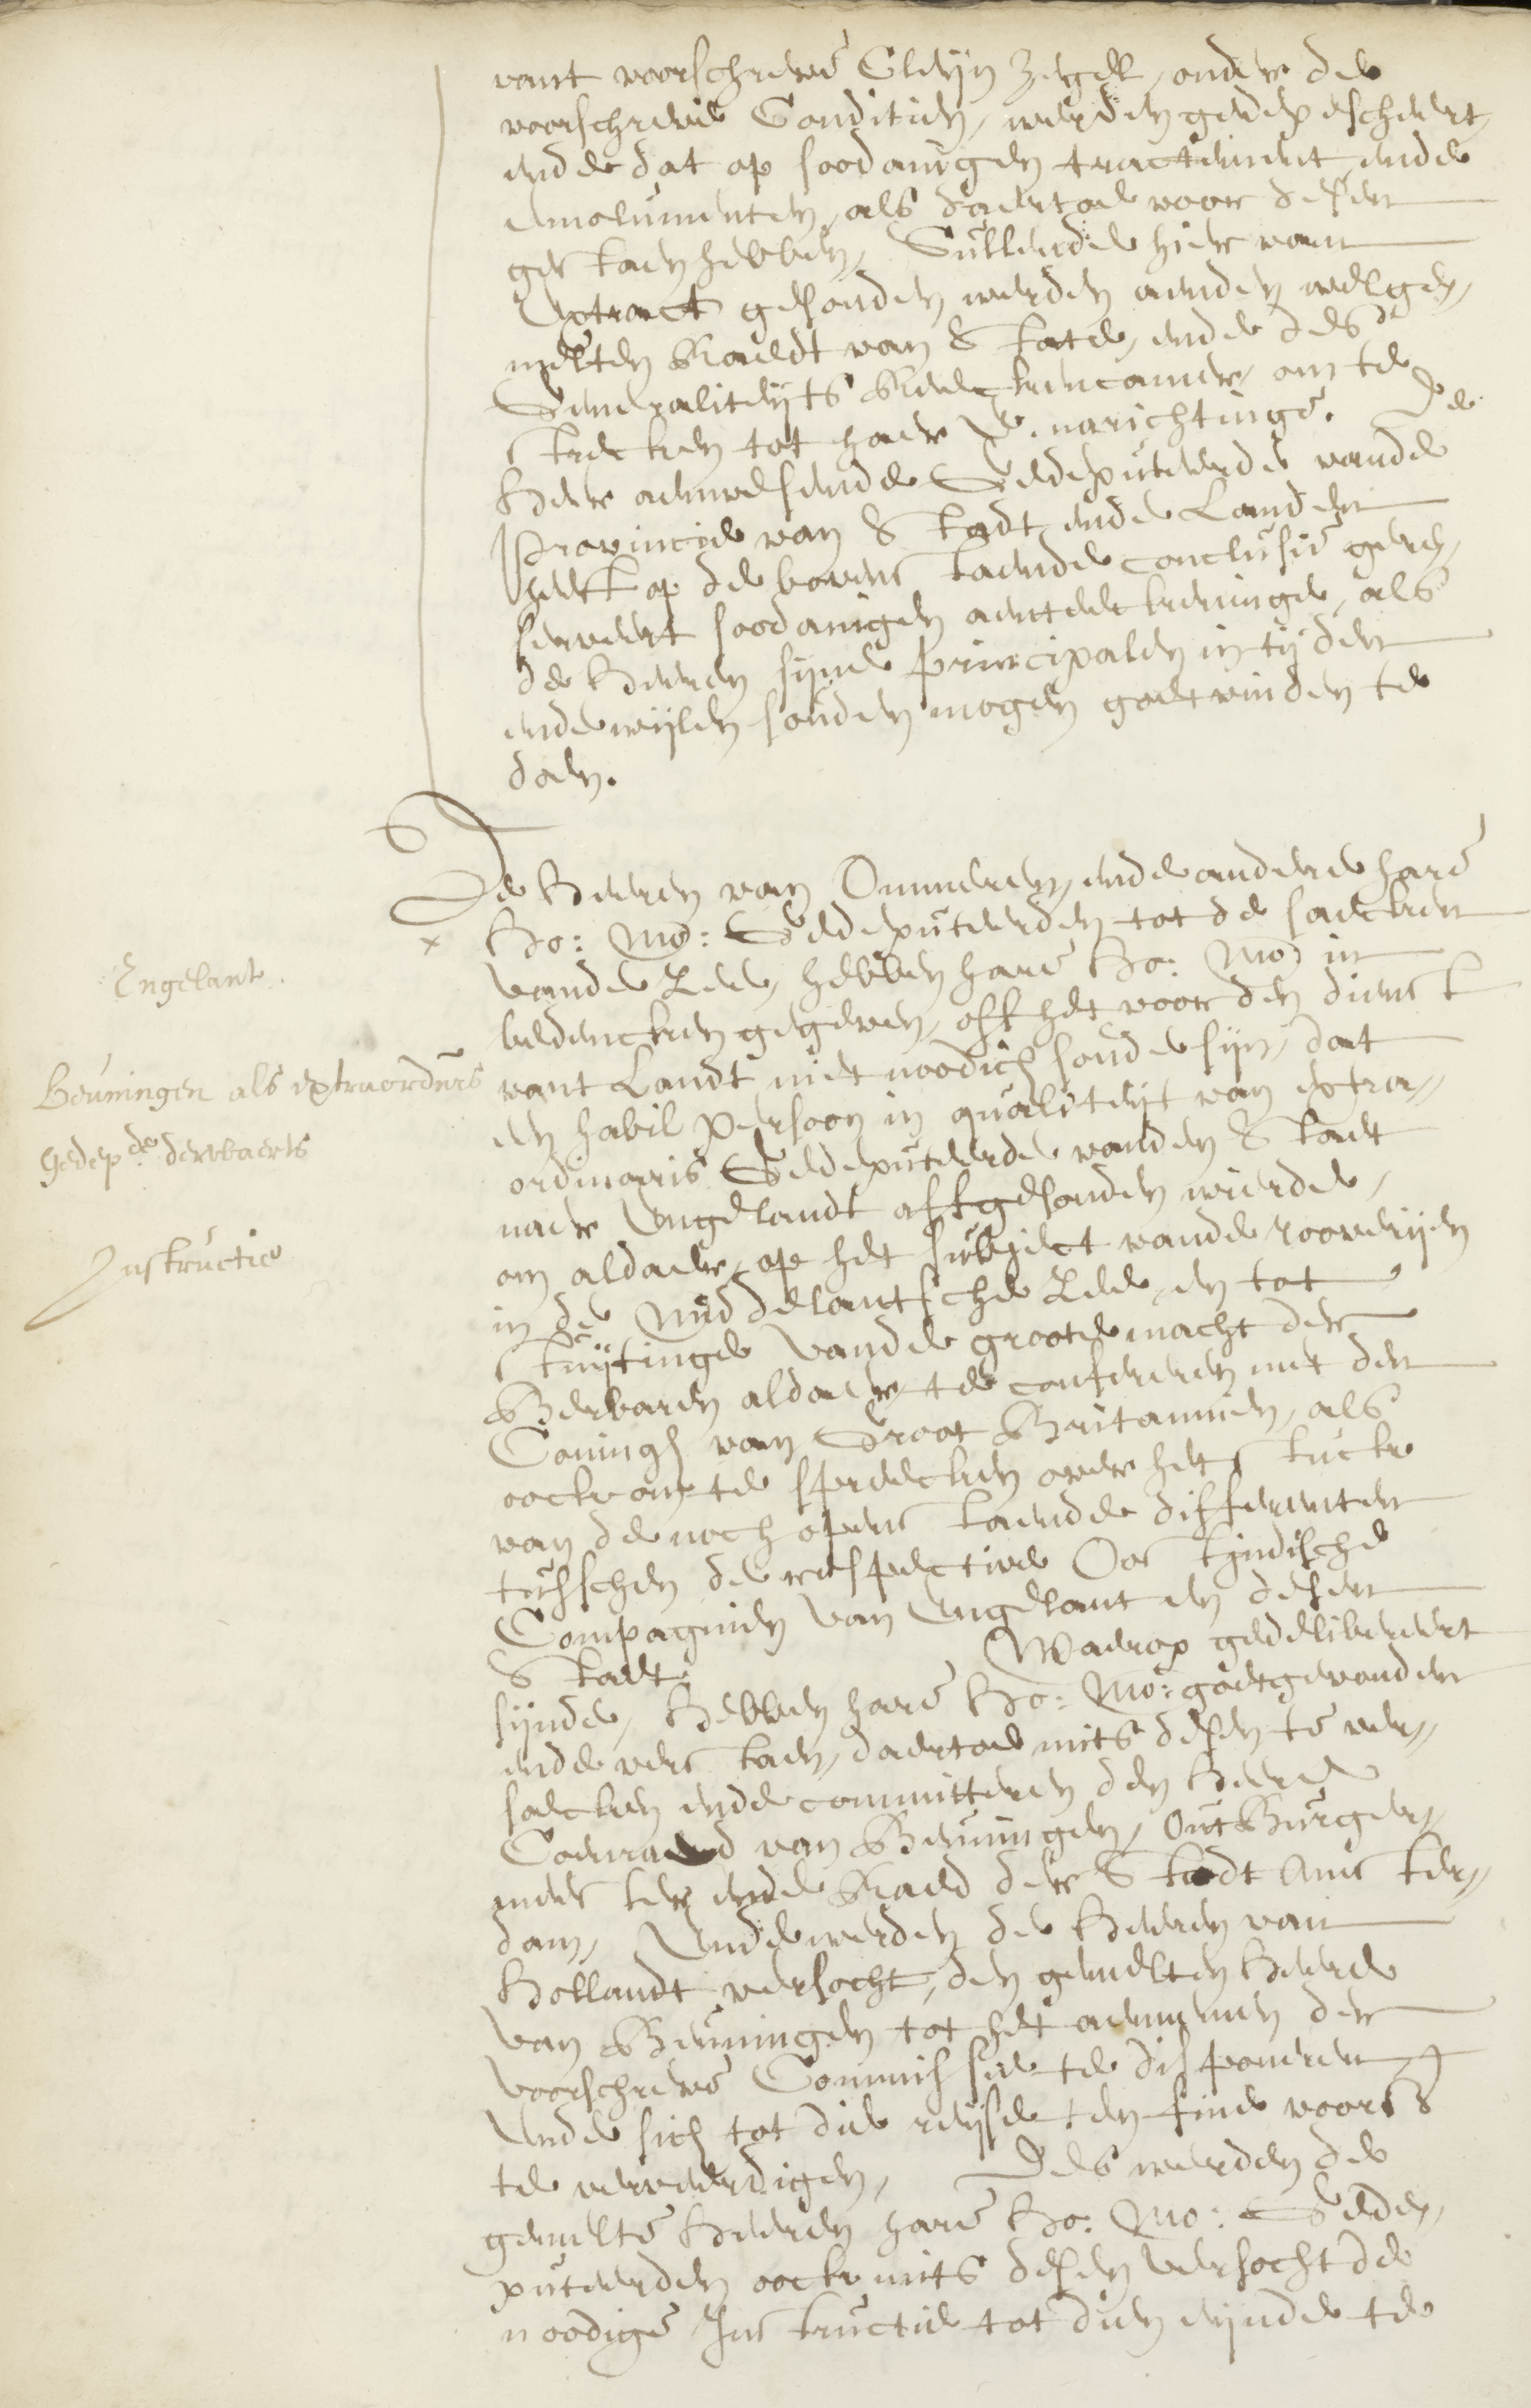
vant voorschreve Cleijn Zegel, onder de
voorschreve Conditien, werden gedepescheert
ende dat op soodanigen tractement ende
Emolumenten, als daertoe voor desen
gestaen hebben. Sullende hier van
Extract gesonden werden aenden welge„
melten Raedt van State, ende des
Generaliteijts Reeckencamer, om te
strecken tot haer E. narichtinge. De
Heer aenwesende Gedeputeerde vande
Provincie van Stadt ende Landen
heeft op de bovenstaende conclusie gere„
serveert soodanigen aenteeckeninge, als
de Heeren sijne principalen in tijden
ende wijlen souden mogen goetvinden te
doen.
Engelant.
Beuningen als extraordnrs
Gedepde. derwaerts
Instructie
De Heeren van Ommeren, ende andere hare
Ho:Mo: Gedeputeerden tot de saecken
vande Zee, hebben hare Ho:Mo: in
bedencken gegeven, off het voor den dienst
vant Landt niet noodich soude sijn, dat
een habil persoon in qualiteijt van extra„
ordinaris Gedeputeerde vanden Staet
naer Engelandt affgesonden wierde,
om aldaer op het subject vande rooverijen
in de Middelantsche Zee, en tot
stuijtinge vande groote macht der
Berbaren aldaer te confereren met den
Coningh van Groot Britannien, als
oock om te spreecken over het stuck
van de noch openstaende differenten
tusschen de respective Oostindische
Compagnien van Engelant en desen
Staet: Waerop gedelibereert
sijnde, hebben hare Ho:Mo: goetgevonden
ende verstaen, daertoe mits desen te ver„
soecken ende committeren den Heere
Coenraed van Beuningen, Out Burger„
meester ende Raed der Stadt Amster„
dam. Ende werden de Heeren van
Hollandt versocht, den gemelten Heere
van Beuningen tot het aennemen der
voorschreve Commissie te disponeren,
Ende sich tot die reijse ten fine voors
te verveerdigen. Des werden de
gemelte Heeren hare Ho:Mo: Gede„
puteerden oock mits desen versocht de
noodige Instructie tot dien eijnde te
